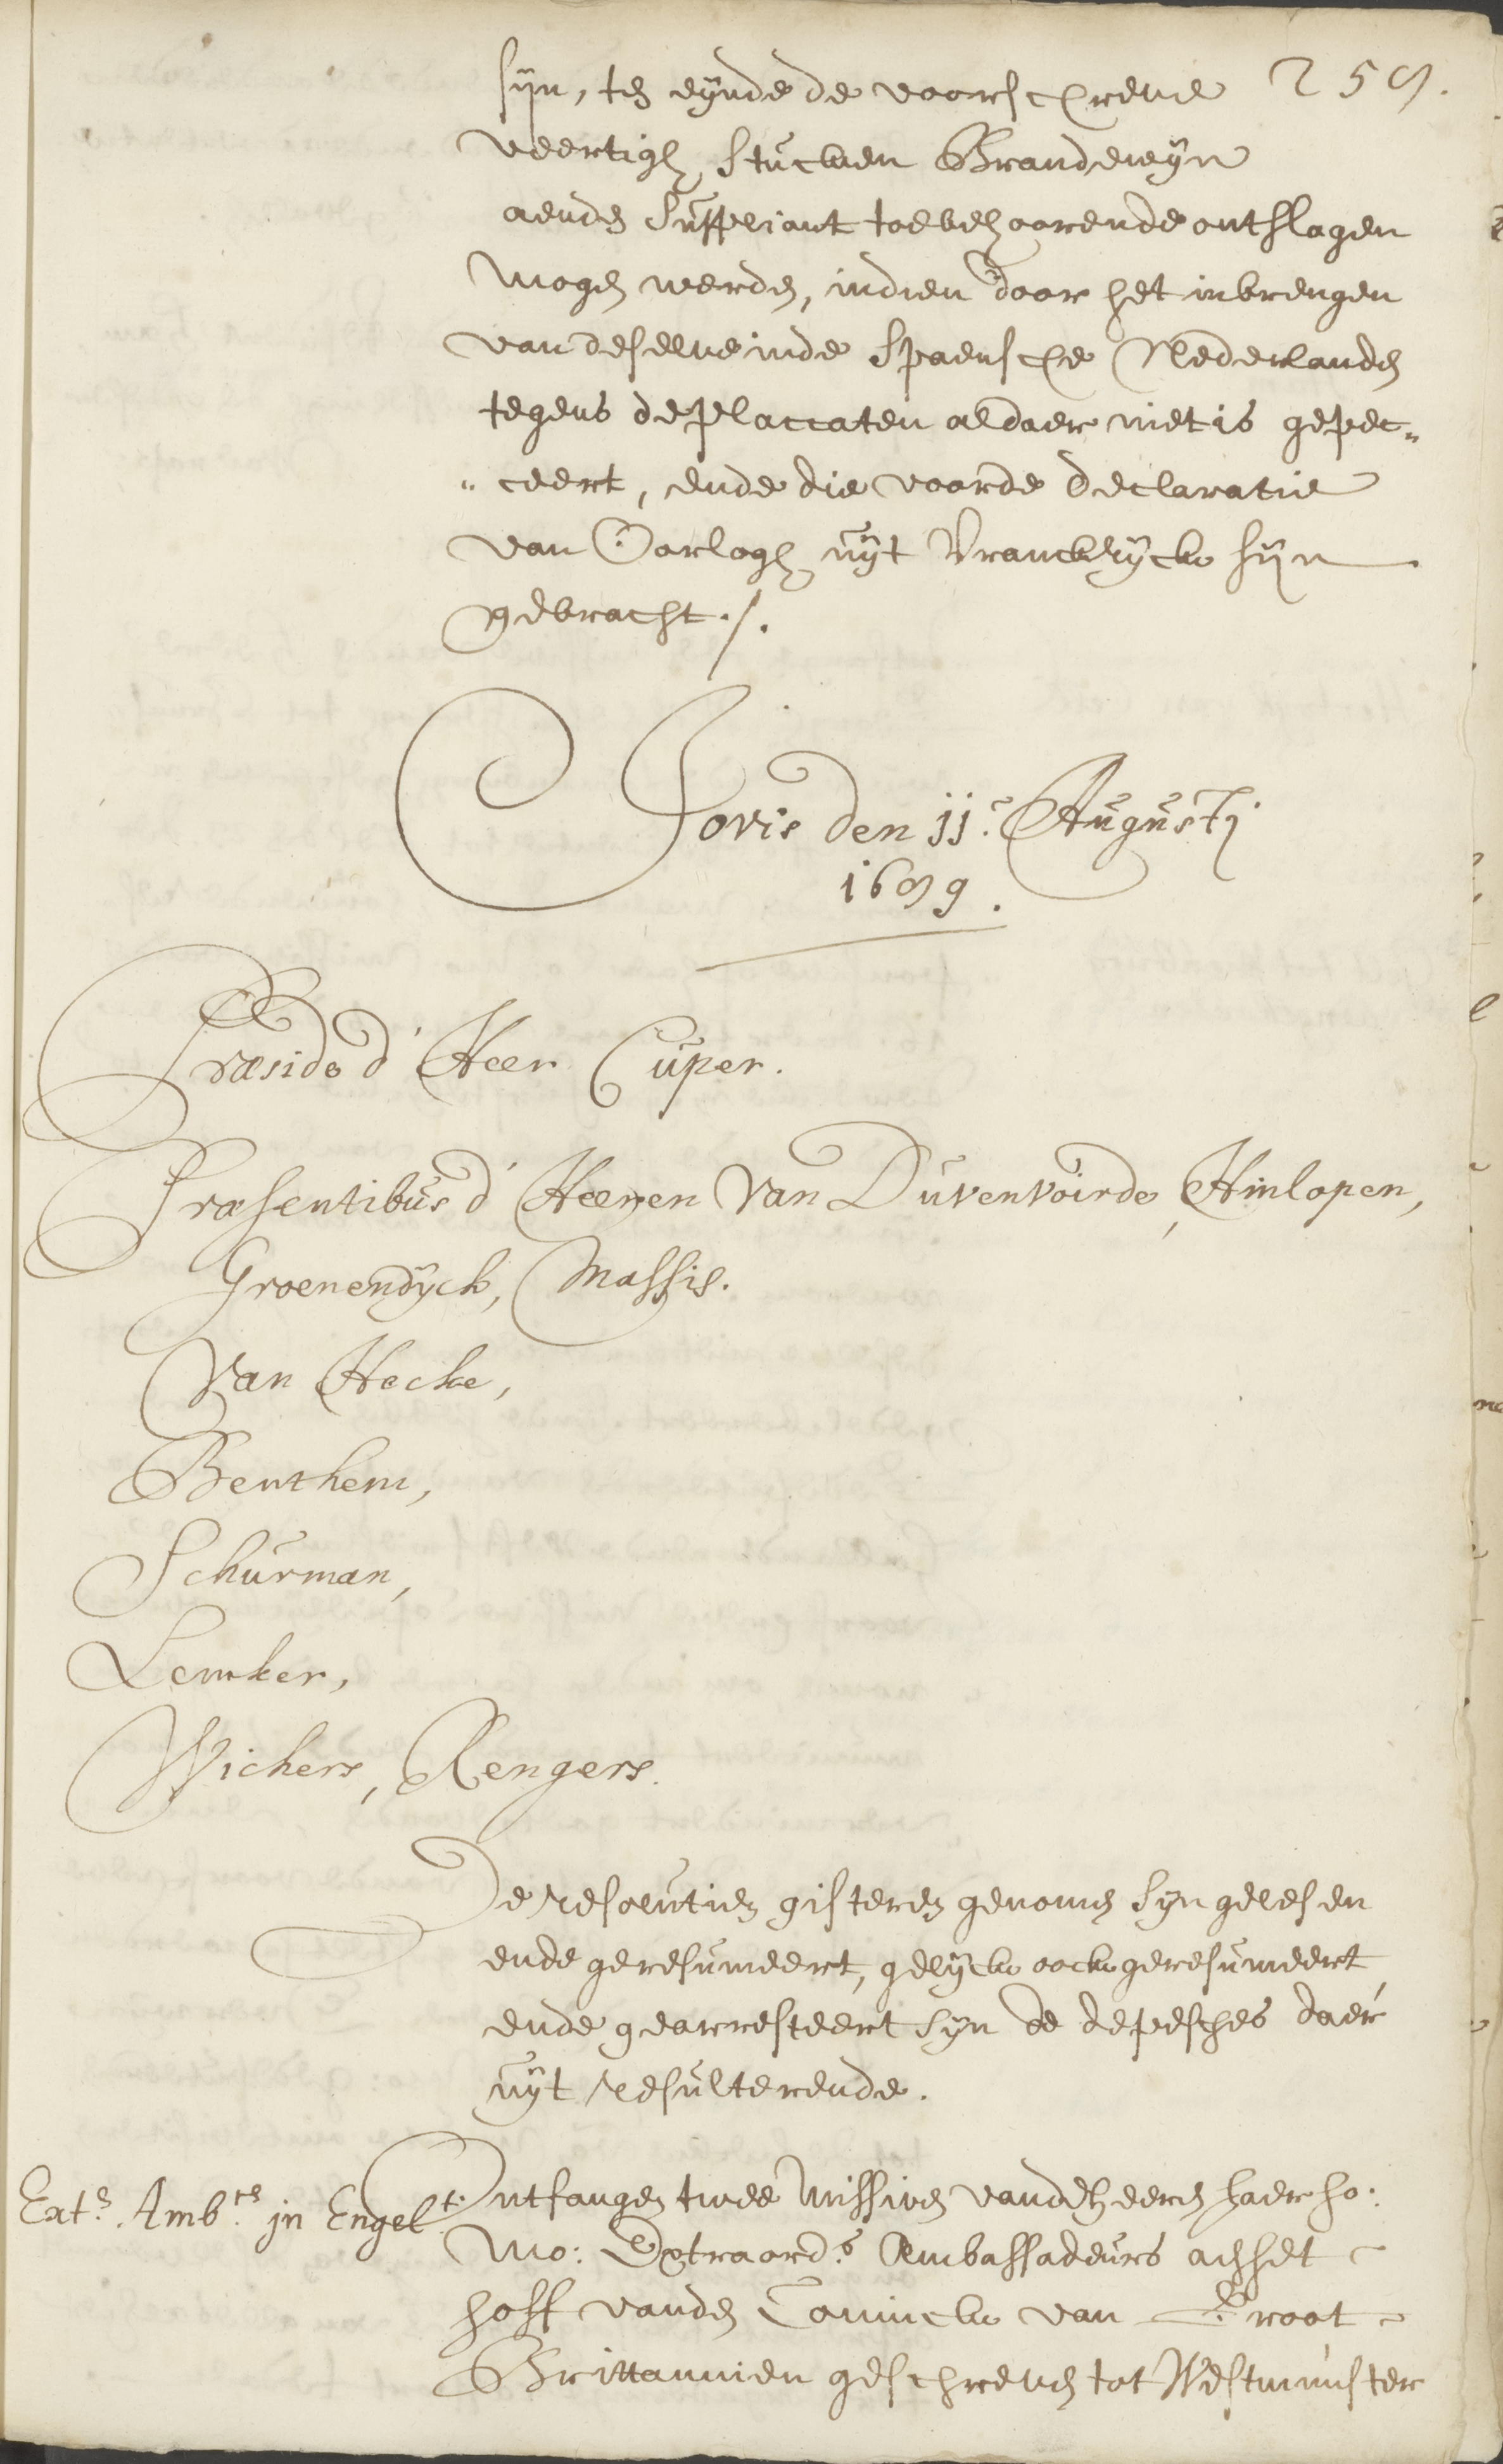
258.
sijn, ten eijnde de voorschreve
veertigh stucken Brandewijn
aenden Suppliant toebehoorende ontslagen
mogen werden, indien door het inbrengen
van deselve inde Spaensche Nederlanden
tegens de placcaten aldaer met is gepec„
„ceert, ende die voorde declaratie
van Oorlogh uijt Vranckrijck sijn
gebracht.
Jovis den 11e Augustij
1689.
Præside d'Heer. Cuper.
Præsentibus d'Heeren van Duvenvoirde, Hinlopen
Groenendijck, Massis.
van Hecke,
Benthem,
Schurman
Lemker,
Wicher, Rengers.
De resolutien gisteren genomen sijn gelesen
ende geresumeert, gelijck oock geresumeert
ende gearresteert sijn de depesches daer
uijt resulterende.
Exts. Ambr. in Engelt.
Ontfangen twee missiven vande heeren haer ho:
Mo: Extraords. Ambassadeurs aen het
hoff vanden Coninck van Groot
Brittannien geschreven tot Westmunster
